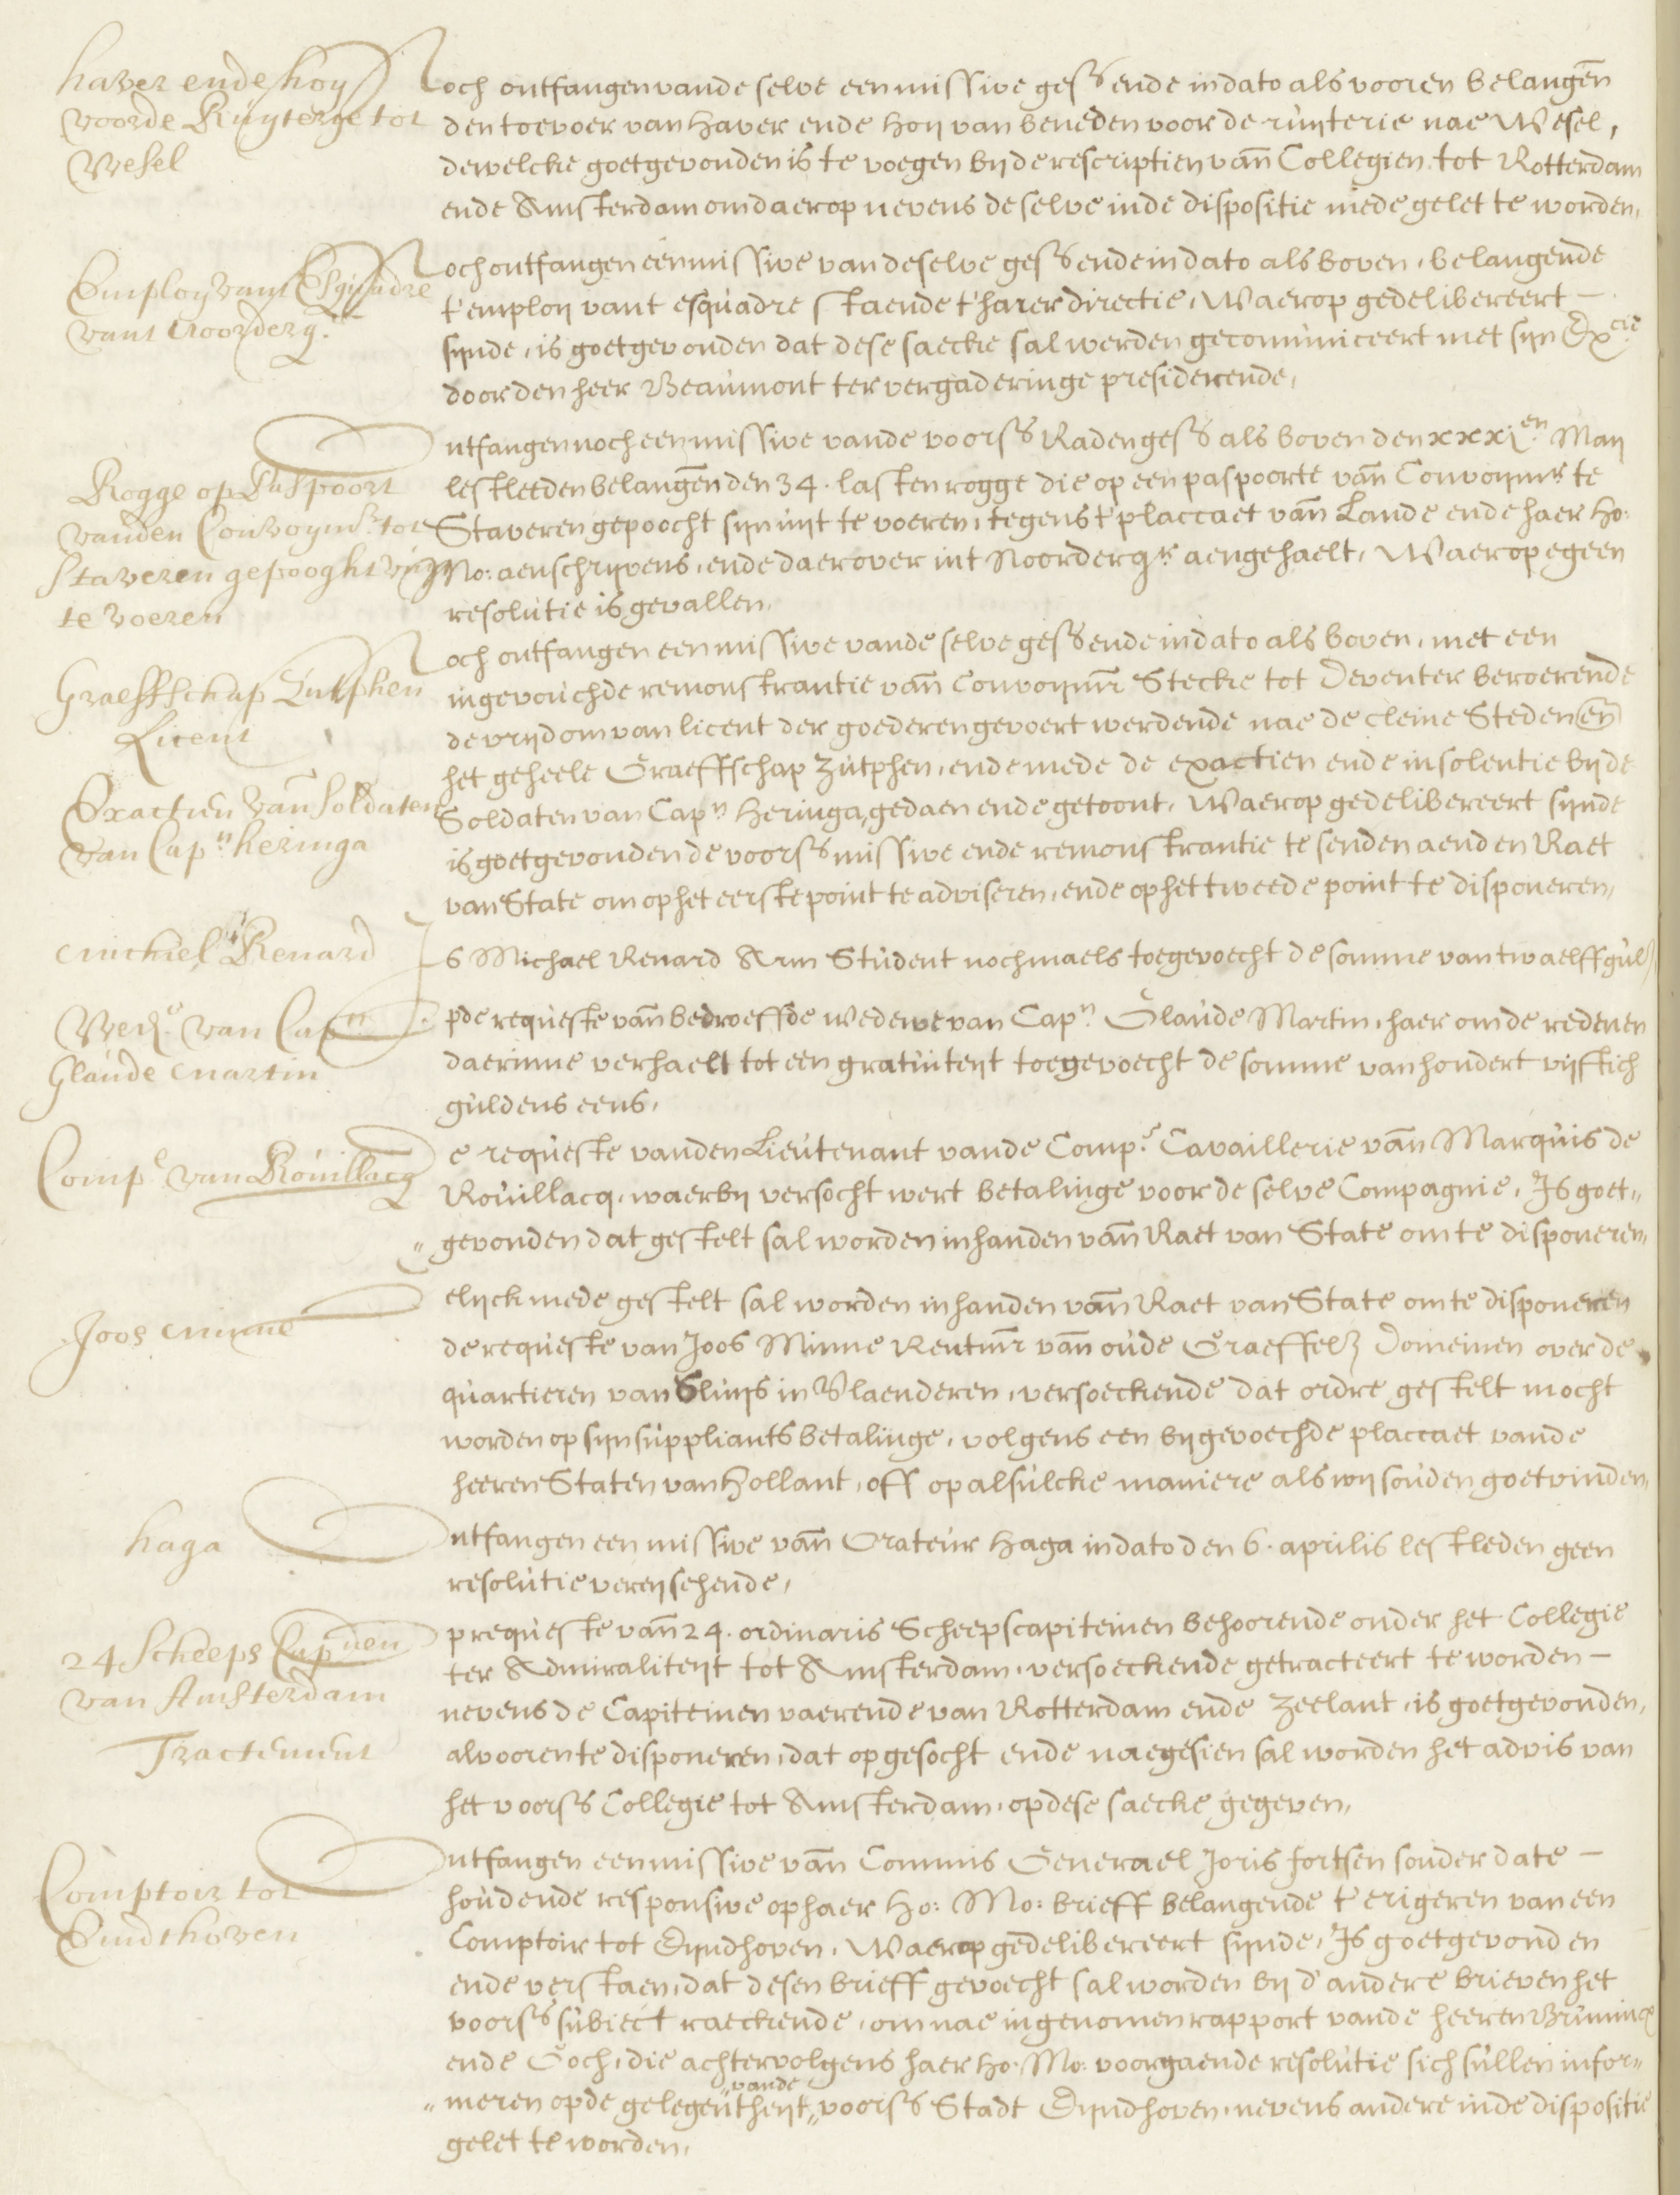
haver ende hoy
voorde Ruyterye tot
Wesel
Noch ontfangen vande selve een missive ges ende in dato als vooren belangen
den toevoer van haver ende hoy van beneden voor de ruyterie nae Wesel,
dewelcke goetgevonden is te voegen by de rescriptien van Collegien tot Rotterdam
ende Amsterdam om daerop nevens deselve inde dispositie mede gelet te worden.
Employ vant Esquadre
vant Noorderq.
Noch ontfangen een missive van deselve ges ende in dato als boven, belangende
t'employ vant esquadre staende t' harer directie. Waerop gedelibereert
synde, is goetgevonden dat dese saecke sal werden gecomuniceert met syn Excie.
door den heer Beaumont ter vergaderinge presiderende.
Rogge op Paspoort
vanden Convoymr. tot
Staveren gepooght vuyt
te voeren
Ontfangen noch een missive vande voors Raden ges als boven den xxxjen. May
lestleeden belangen den 34. lasten rogge die op een paspoorte van Convoymr. te
Staveren gepoocht syn uyt te voeren, tegens t' placcaet van Lande ende haer Ho:
Mo: aenschryvens, ende daerover int Noorderqr. aengehaelt. Waerop egeen
resolutie is gevallen.
Graeffschap Zutphen
Licent
Exactien van soldaten
van Capn. heringa
Noch ontfangen een missive vande selve ges ende indato als boven, met een
ingevouchde remonstrantie van convoymr Stecke tot Deventer beroerende
de vrydom van licent der goederen gevoert werdende nae de cleine Steden en
het geheele Graeffschap zutphen, ende mede de exactien ende insolentie by de
Soldaten van Capn heringa, gedaen ende getoont. Waerop gedelibereert synde
is goetgevonden de voors missive ende remonstrantie te senden aenden Raet
van State om op het eerste point te adviseren, ende op het tweede point te disponeren.
michiel Renard
Wede. van Capn.
Glaude martin
Is Michael Renard Arm Student nochmaels toegevoecht de somme van twaelff gul
Opde requeste van bedroeffde wedewe van Capn. Glaude Martin, haer om de redenen
daerinne verhaelt tot een gratuiteyt toegevoecht de somme van hondert vijftich
guldens eens.
Compe van Rouillacq
De requeste vanden Lieutenant vande Compe. Cavaillerie van Marquis de
Rouillacq, waerby versocht wert betalinge voor de selve Compagnie. Is goet,,
„gevonden dat gestelt sal worden in handen van Raet van State om te disponeren.
Joos minne
Gelyck mede gestelt sal worden in handen van Raet van State om te disponenen
de requeste van Joos Minne Rentmr van oude Graeffel Domeinen over de
quartieren van Sluys in Vlaenderen, versoeckende dat ordre gestelt mocht
worden op syn suppliants betalinge, volgens een bygevoechde placcaet vande
heeren Staten van Hollant, off op alsulcke maniere als wy souden goetvinden.
haga
Ontfangen een missive van Orateur Haga in dato den 6. aprilis lestleden geen
resolutie vereyschende,
24 Scheeps Capnen
van Amsterdam
Tractement
Op requeste van 24. ordinaris Scheepscapiteinen behoorende onder het Collegie
ter Admiraliteyt tot Amsterdam, versoeckende getracteert te worden —
nevens de Capiteinen vaerende van Rotterdam ende Zeelant, is goetgevonden,
alvooren te disponeren, dat opgesocht ende naegesien sal worden het advis van
het voors Collegie tot Amsterdam, op dese saecke gegeven.
Comptoir tot
Eindthoven
Ontfangen een missive van Commis Generael Joris fortsen sonder date —
houdende responsive op haer Ho:Mo: brieff belangende t'erigeren van een
Comptoir tot Eyndhoven. Waerop gedelibereert synde, Is goetgevonden
ende verstaen, dat desen brieff gevoecht sal worden by d'andere brieven het
voors subiect raeckende, om nae ingenomen rapport vande heeren Brunincx
ende Goch, die achtervolgens haer ho:Mo: voorgaende resolutie sich sullen infor,,
,,vande
,,meren opde gelegentheyt,, voors Stadt Eyndhoven, nevens andere inde dispositie
gelet te worden.
